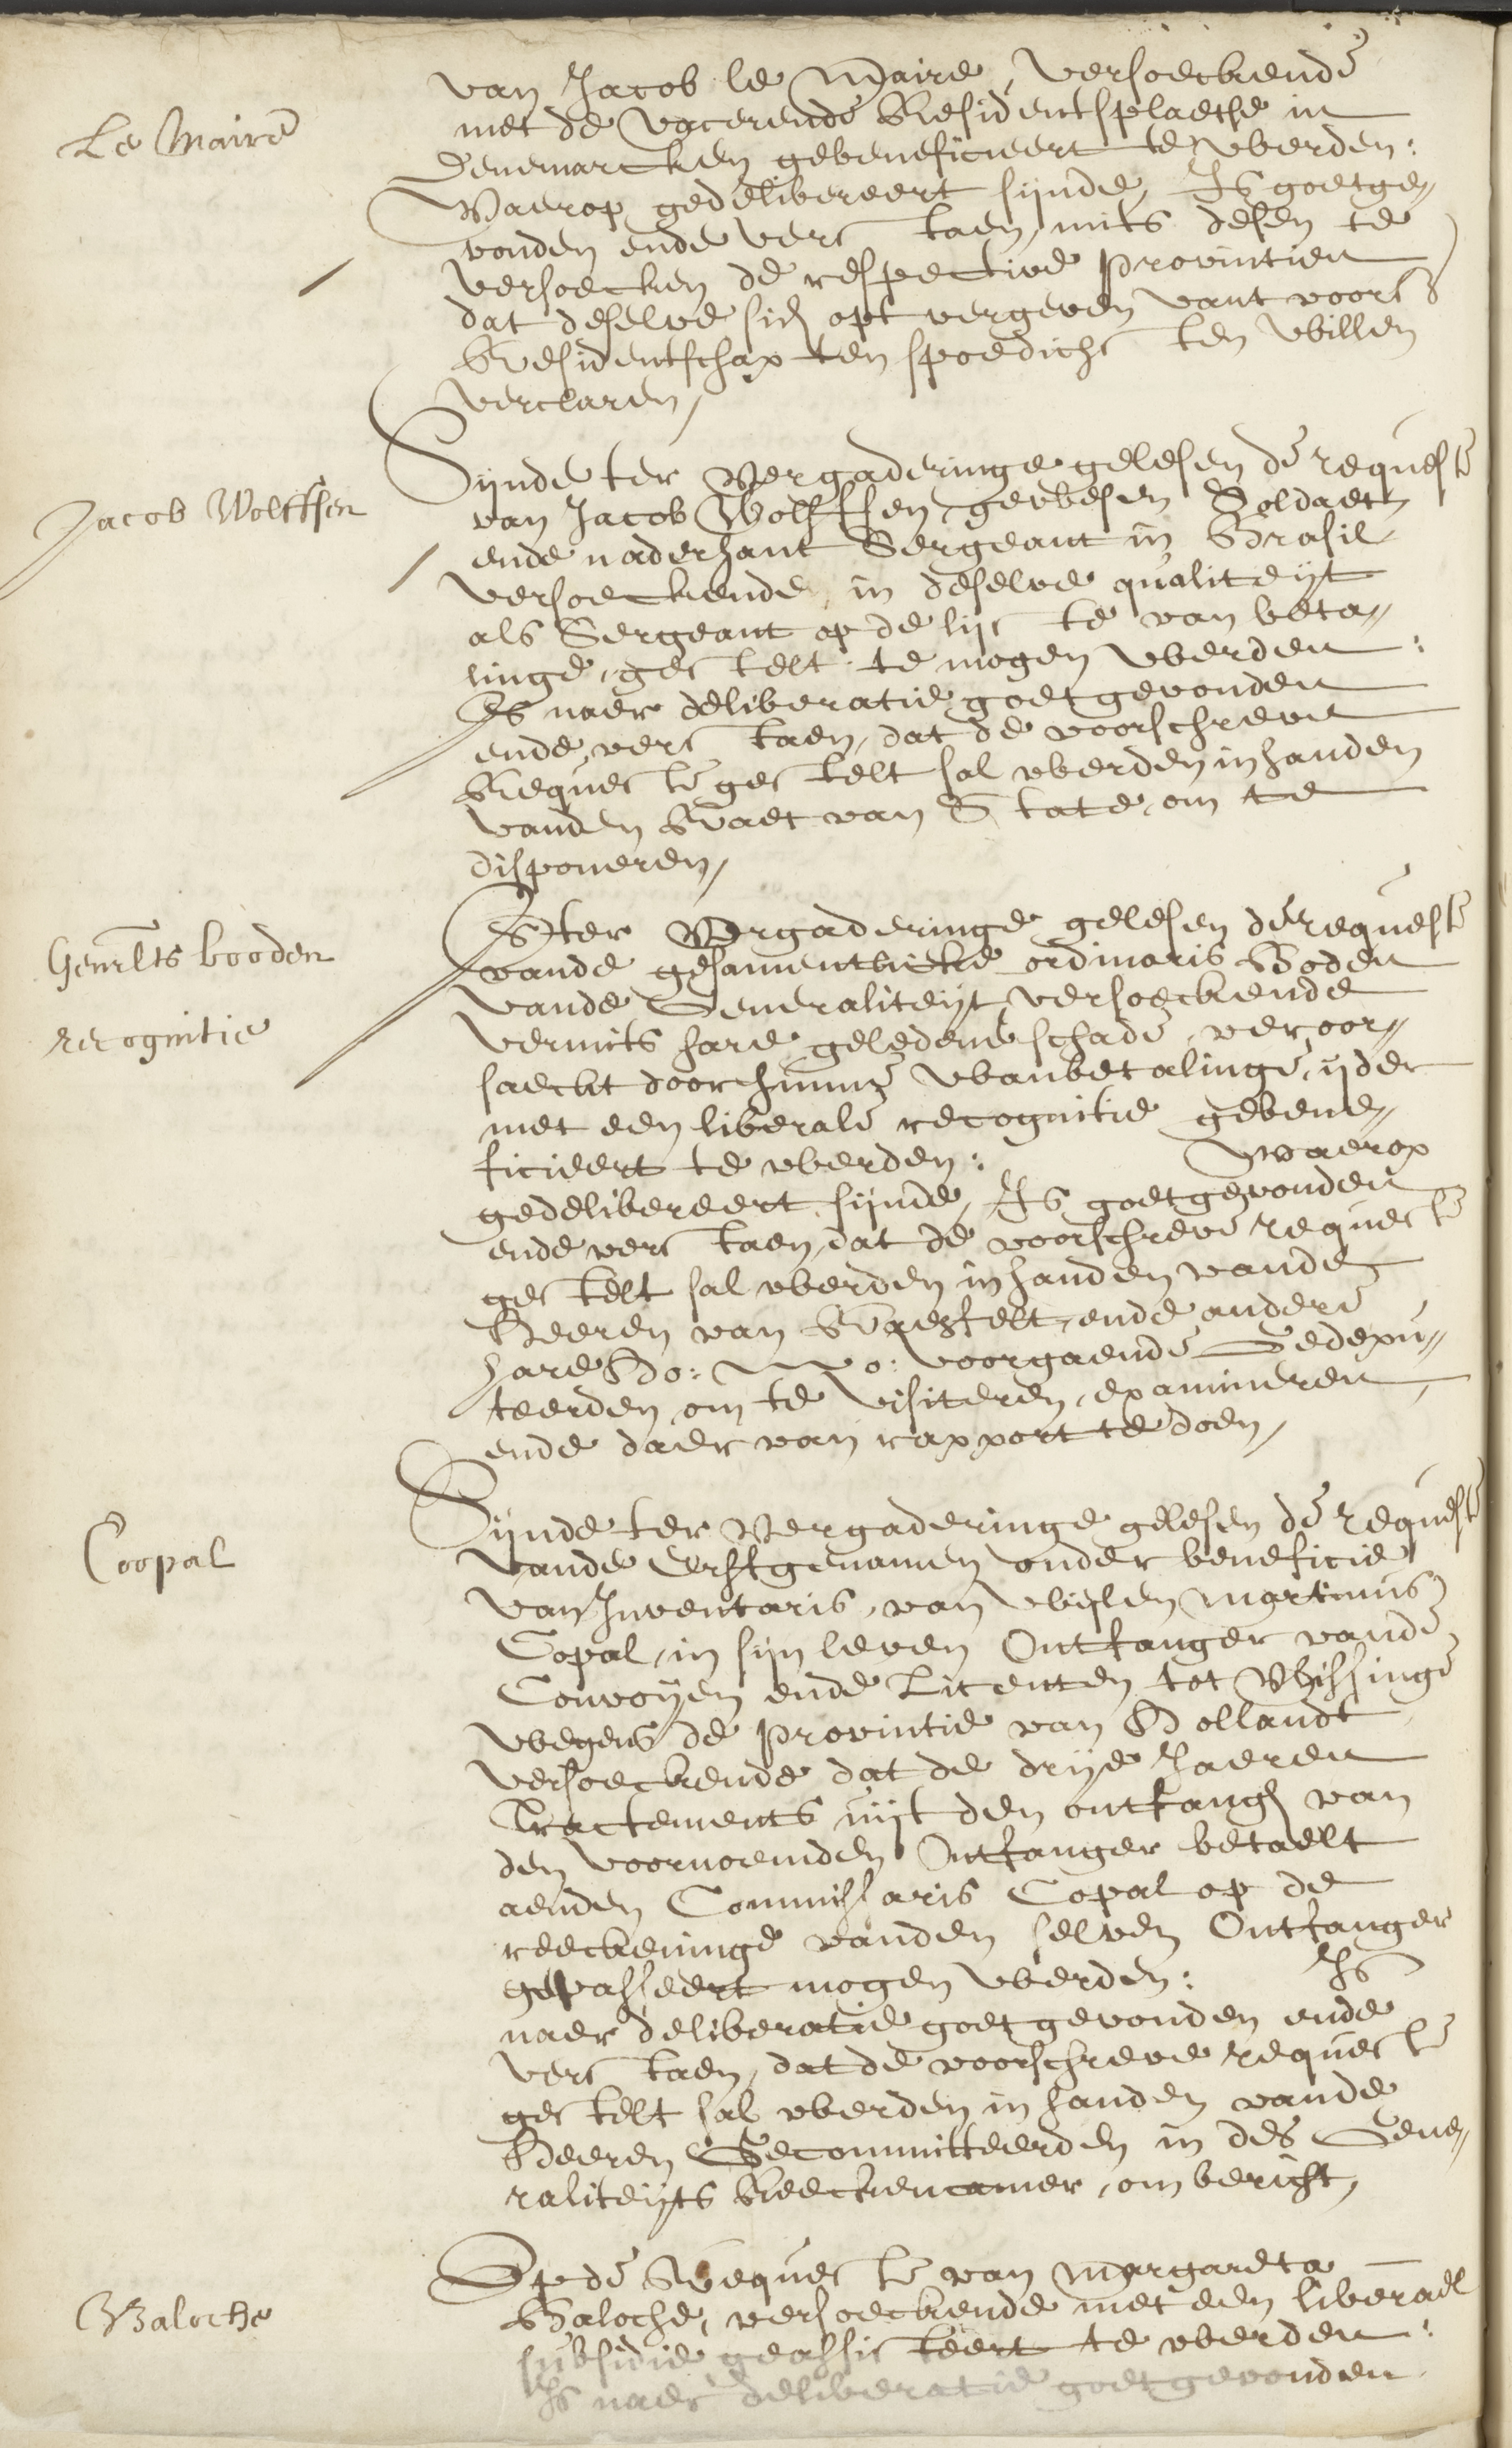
Le Maire
van Jacob le Maire, versoeckende
met de vacerende Residentsplaetse in
Denemarcken gebeneficieert te werden:
Waerop gedelibereert sijnde, Is goetge„
vonden ende verstaen, mits desen te
versoecken de respective provintien
dat deselve sich opt vergeven vant voors
Residentschap ten spoedichsten willen
verclaren.
Jacob Wolffsen
Sijnde ter Vergaderinge gelesen de requeste
van Jacob Wolffsen, gewesen Soldaet,
ende naderhant Sergeant in Brasil,
versoeckende in deselve qualiteijt
als Sergeant op de lijste van beta„
linge, gestelt te mogen werden:
Is naer deliberatie goetgevonden
ende verstaen, dat de voorschreve
Requeste gestelt sal werden in handen
vanden Raet van State, om te
disponeren.
Genrlts booden
recognitie
Is ter Vergaderinge gelesen de requeste
vande gesamentlicke ordinaris Boden
vande Generaliteijt versoeckende
vermits hare geledene schade, veroor„
saeckt door hunne wanbetalinge, ijder
met een liberale recognitie gebene„
ficieert te werden: Waerop
gedelibereert sijnde, Is goetgevonden
ende verstaen, dat de voorschreve requeste
gestelt sal werden in handen vande
Heeren van Raesfelt, ende andere
hare Ho:Mo: voorgaende Gedepu„
teerden, om te visiteren, examineren
ende daer van rapport te doen.
Coopal
Sijnde ter Vergaderinge gelesen de requeste
vande Erffgenamen onder beneficie
van Inventaris, van wijlen Martinus
Copal, in sijn leven Ontfanger vande
Convoijen ende Licenten tot Vlissinge
wegens de provintie van Hollandt,
versoeckende dat de drije Jaeren
Tractements uijt den ontfangh van
den voornoemden Ontfanger betaelt
aenden Commissaris Copal op de
reeckeninge vanden selven Ontfanger
gepasseert mogen werden: Is
naer deliberatie goetgevonden ende
verstaen, dat de voorschreve requeste
gestelt sal werden in handen vande
Heeren Gecommitteerden in des Gene„
raliteijts Reeckencamer, om bericht.
Baloche
Opde Requeste van Margareta
Baloche, versoeckende met een liberael
subsidie geassisteert te werden:
Is naer deliberatie goetgevonden
